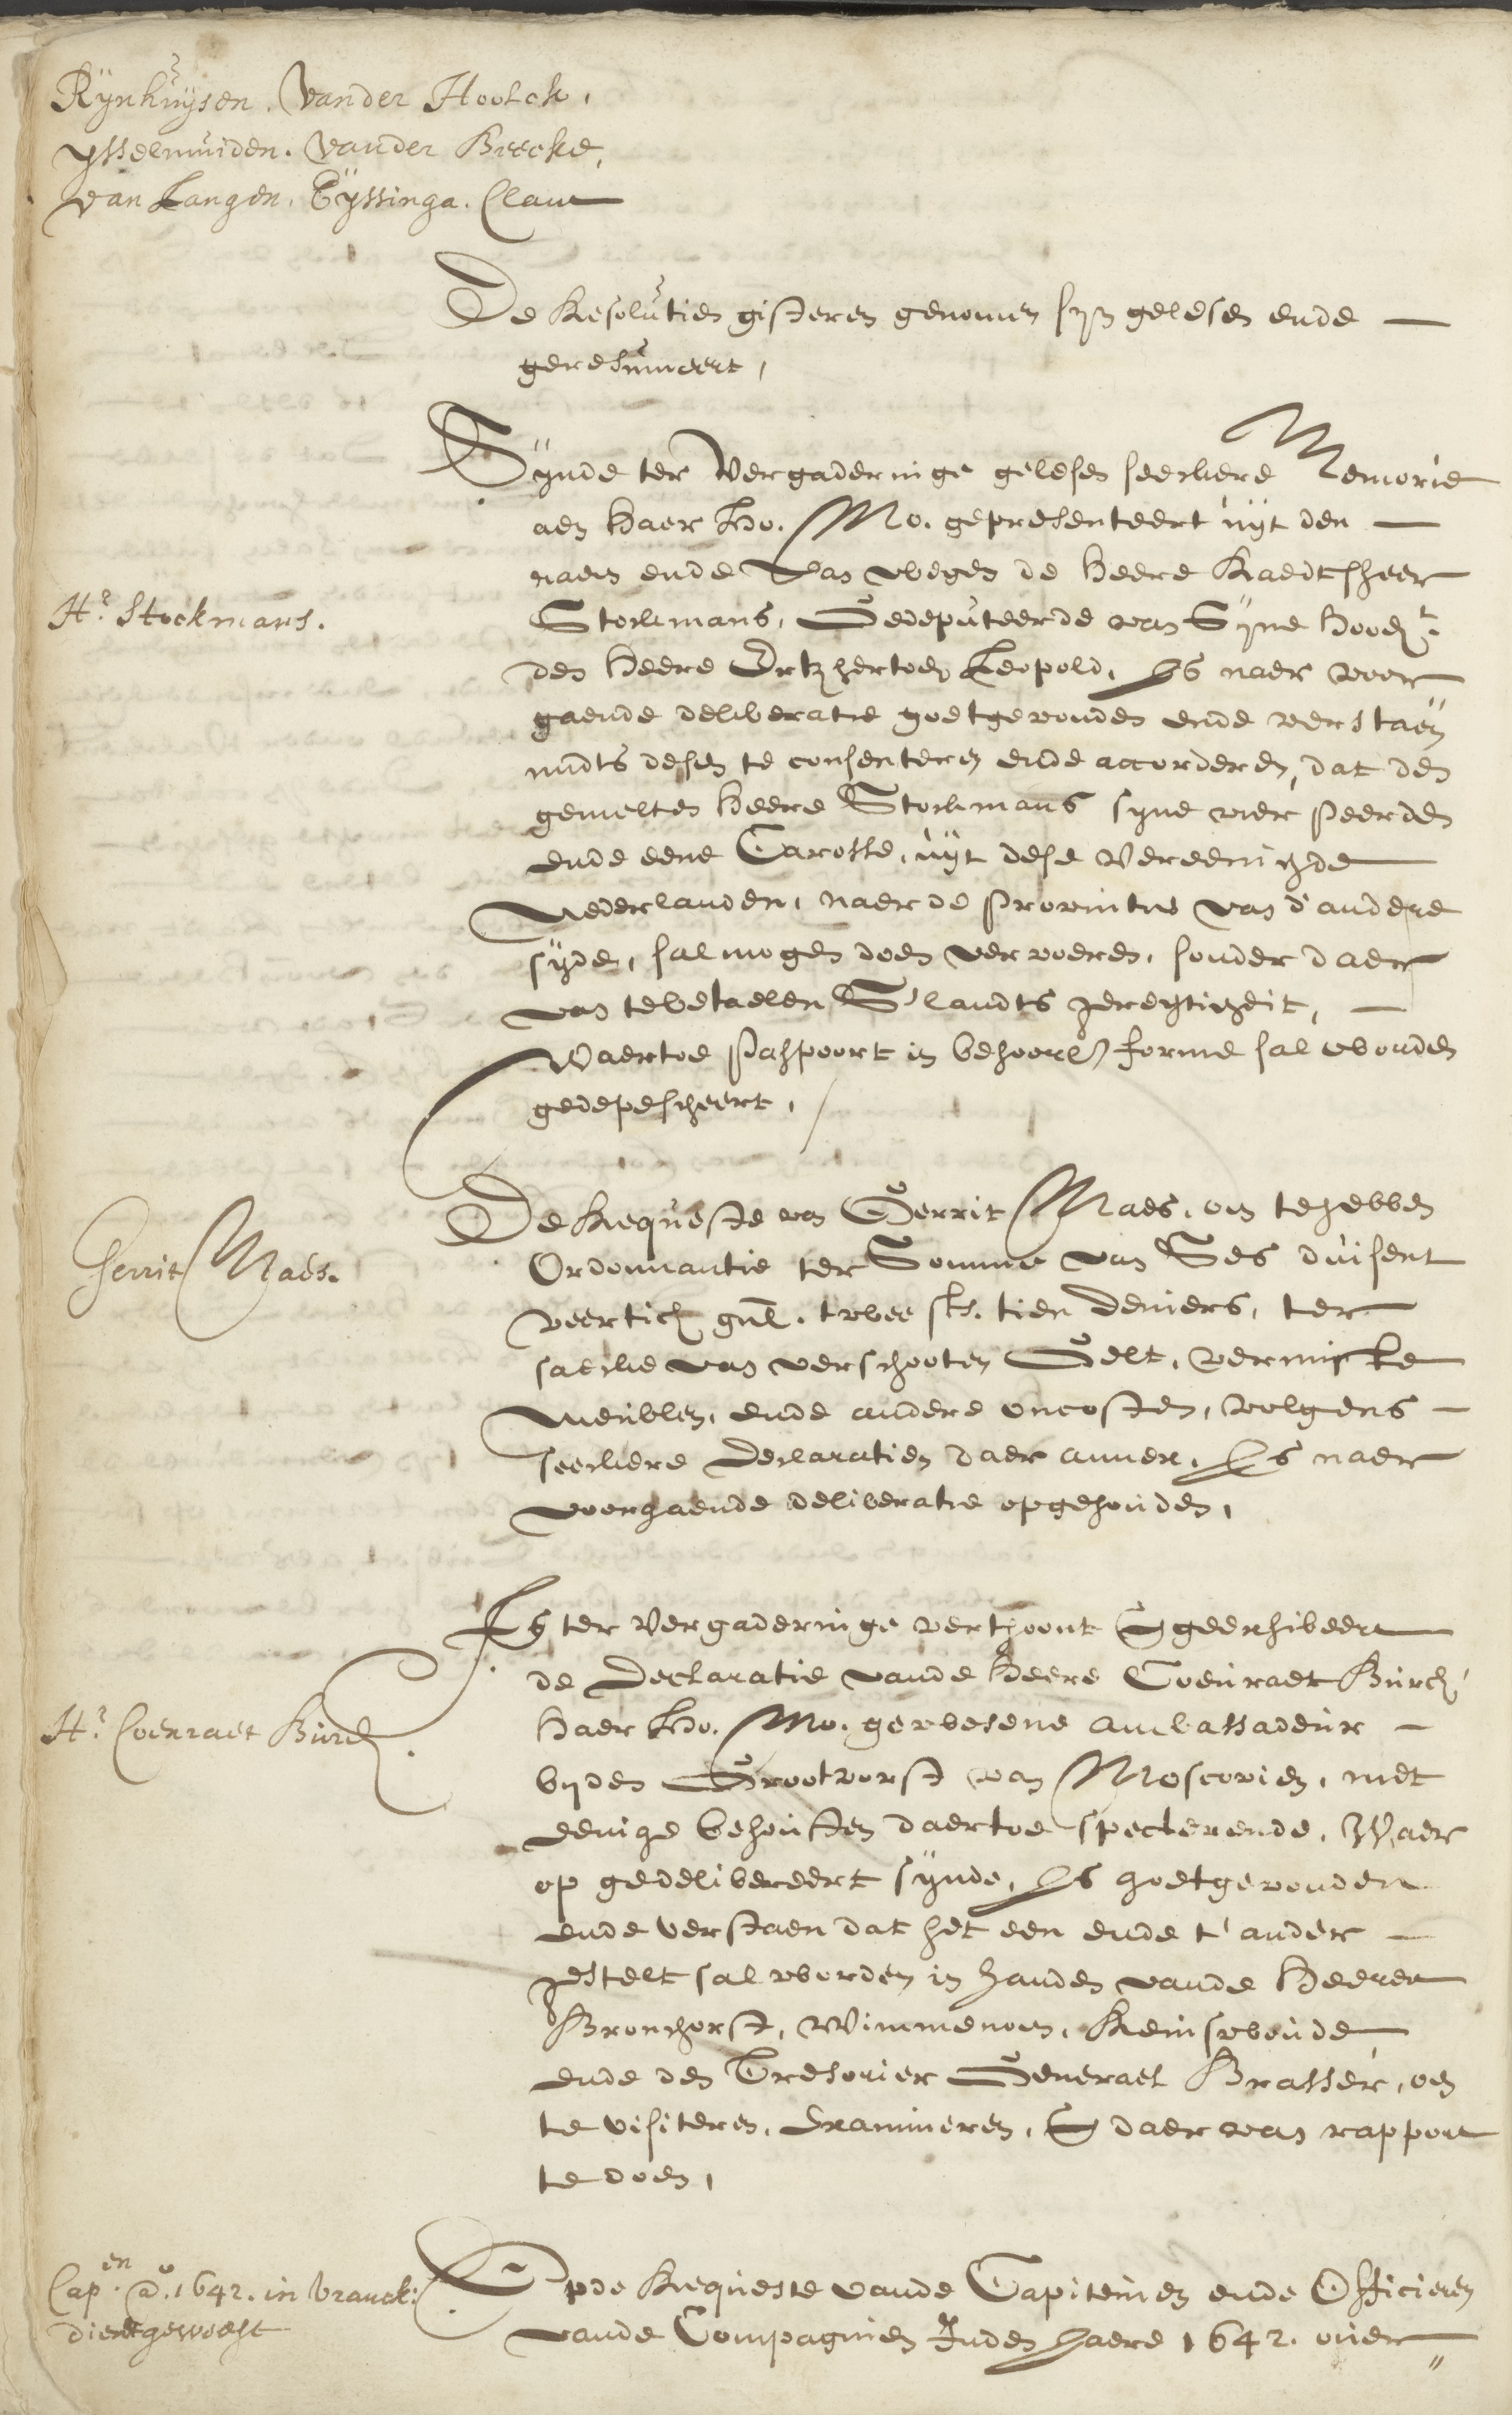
Rijnhuijsen, Van der Hoolck,
Ysselmuiden, vander Beecke,
van Langen, Eijssinga, Clant
De Resolutien gisteren genomen syn gelesen ende ¬
geresumeert.
Hr. Stockmans.
Sijnde ter Vergaderinge gelesen seeckere Memorie
aen haer Ho.Mo. gepresenteert uijt den ¬
naem ende van wegen de heere Raedtsheere
Stockmans, Gedeputeerde van Sijne Hoocht.
den Heere Ertzhertoch Leopold. Is naer voor„
gaende deliberatie goetgevonden ende verstaen
midts desen te consenteren ende accorderen, dat den
gemelten heere Stockmans syne vier peerden
ende eene Carosse, uijt dese Vereenigde
Nederlanden, naer de provintie van d'andere
sijde, sal mogen doen vervoeren, sonder daer
van te betaelen S‛ landts geregticheit, ¬
Waertoe Paspoort in behoorl forme sal worden
gedepescheert.
Gerrit Maes.
De Requeste van Gerrit Maes, om te hebben
Ordonnantie ter Somme van Ses duisent
veertich gul. twee sts. tien deniers, ter
saecke van verschooten Gelt, vermiste
meublen, ende andere oncosten, volgens ¬
seeckere Declaratien daer annex. Is naer
voorgaende deliberatie opgehouden.
Hr. Coenraet Burch.
Is ter Vergaderinge verthoont & geexhibeert
de Declaratie vande Heere Coenraet Burch,
haer Ho.Mo. gewesene Ambassadeur ¬
by den Grootvorst van Moscovien, met
eenige behouften daertoe specterende. Waer
op gedelibereert sijnde, Is goetgevonden
ende verstaen dat het een ende t‛ ander ¬
gestelt sal worden in handen vande Heeren
Bronchorst, Wimmenem, Reinswoude,
ende den Tresorier Generael Brasser, om
te visiteren, Examineren, & daer van rapport
te doen.
Capen. ao. 1642 in Vranck:
dienst geweest
Opde Requeste vande Capiteinen ende Officieren
vande Compagnien Inden jaere 1642 over„
